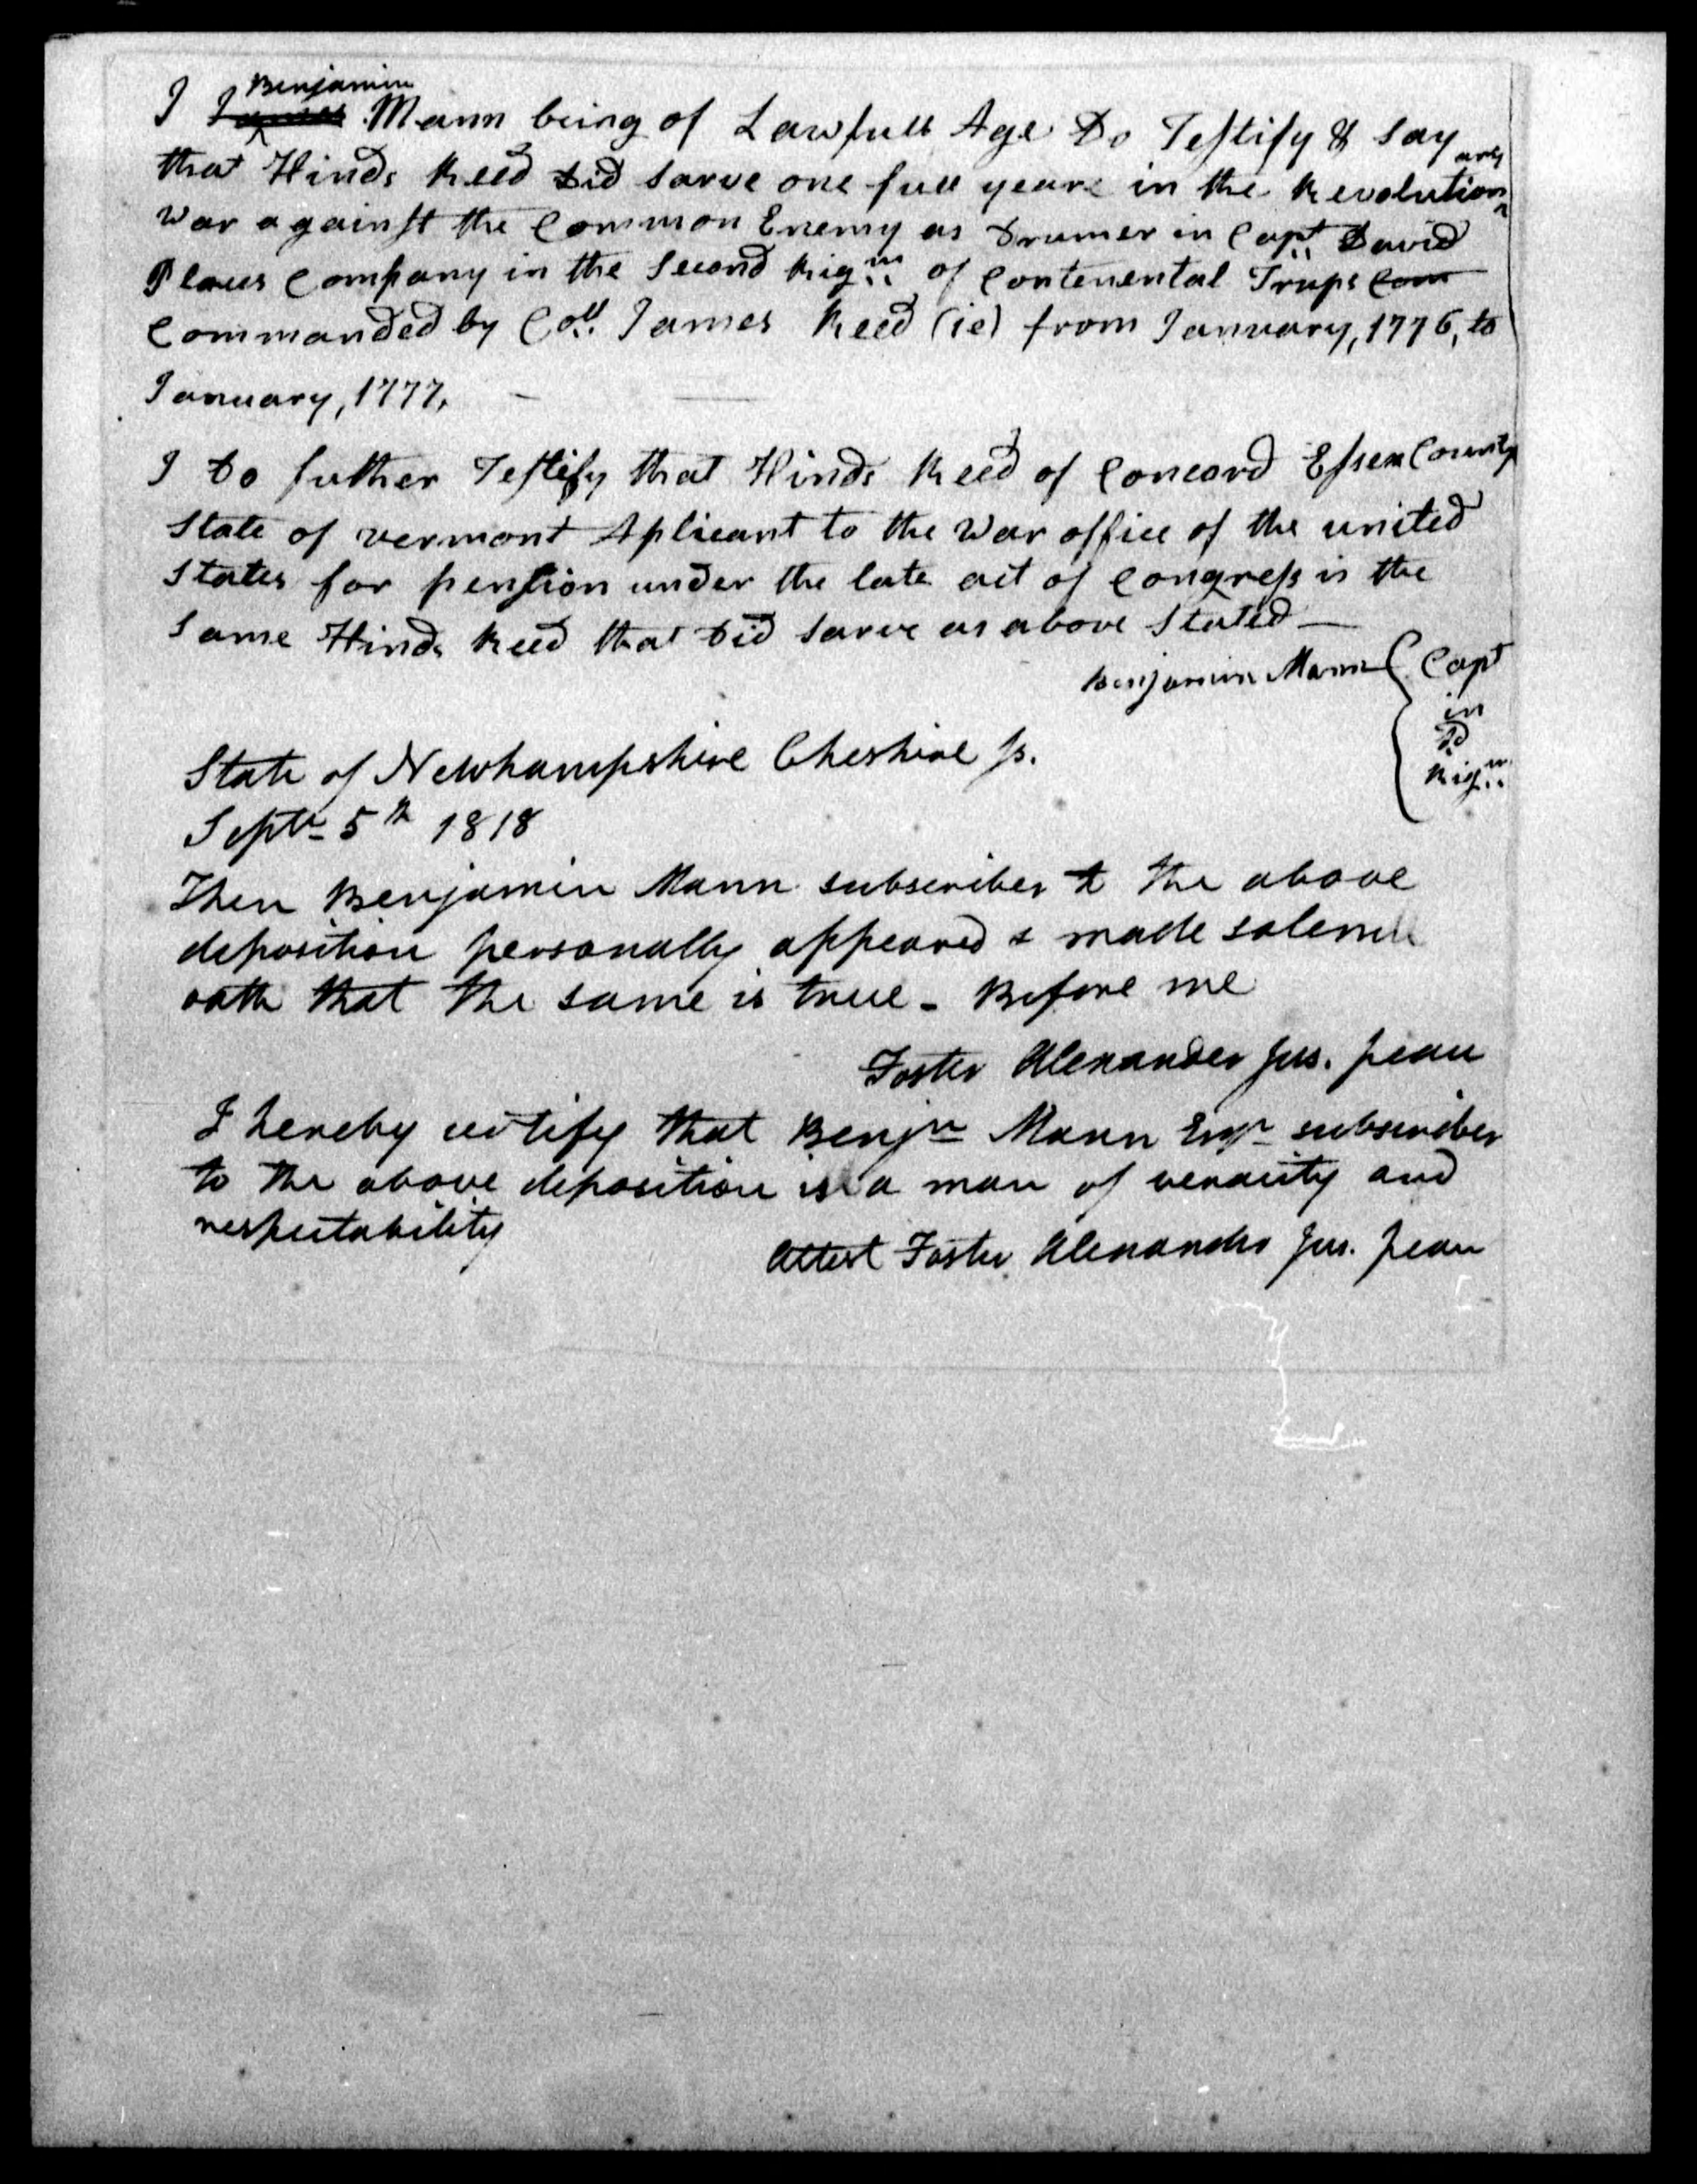I Benjamin Mann being of Lawfull age do testify & say
that Hinds Reed did serve one full years in the Revolutionary
war against the Common Enemy as Drummer in Capt David
Plous Company in the second Regm of Continental Troops commanded
by Col James Reed (ie) from January 1776, to
January, 1777
I do further Testify that Hinds Reed of Concord Essex County
State of Vermont Applicant to the War office of the United States
for pension under the late act of Congress is the same
Hinds Reed that did serve as above
-[signature] Benjamin Mann Capt in sd regmt

State of Newhampshire Cheshire
Septr 5th 1818
Then Benjamin Mann subscriber to the above
deposition personally appeared & made solemn
oath that the same is true. Before me
[signature] Foster Alexander Jus. Peace
I hereby certify that Benjn Mann Esqr subscriber
to the above deposition is a man of veracity and
respectability
Attest Foster Alexander Jus. Peace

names: Foster Alexander; Benjamin Mann; Hinds Reed; Benjamin Mann; Foster Alexander; Hinds Reed; James Reed; Hinds Reed; Benjamin Mann; Benjn Mann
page: 11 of 19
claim: survivor's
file: S 41975, for Hinds Reed, New Hampshire